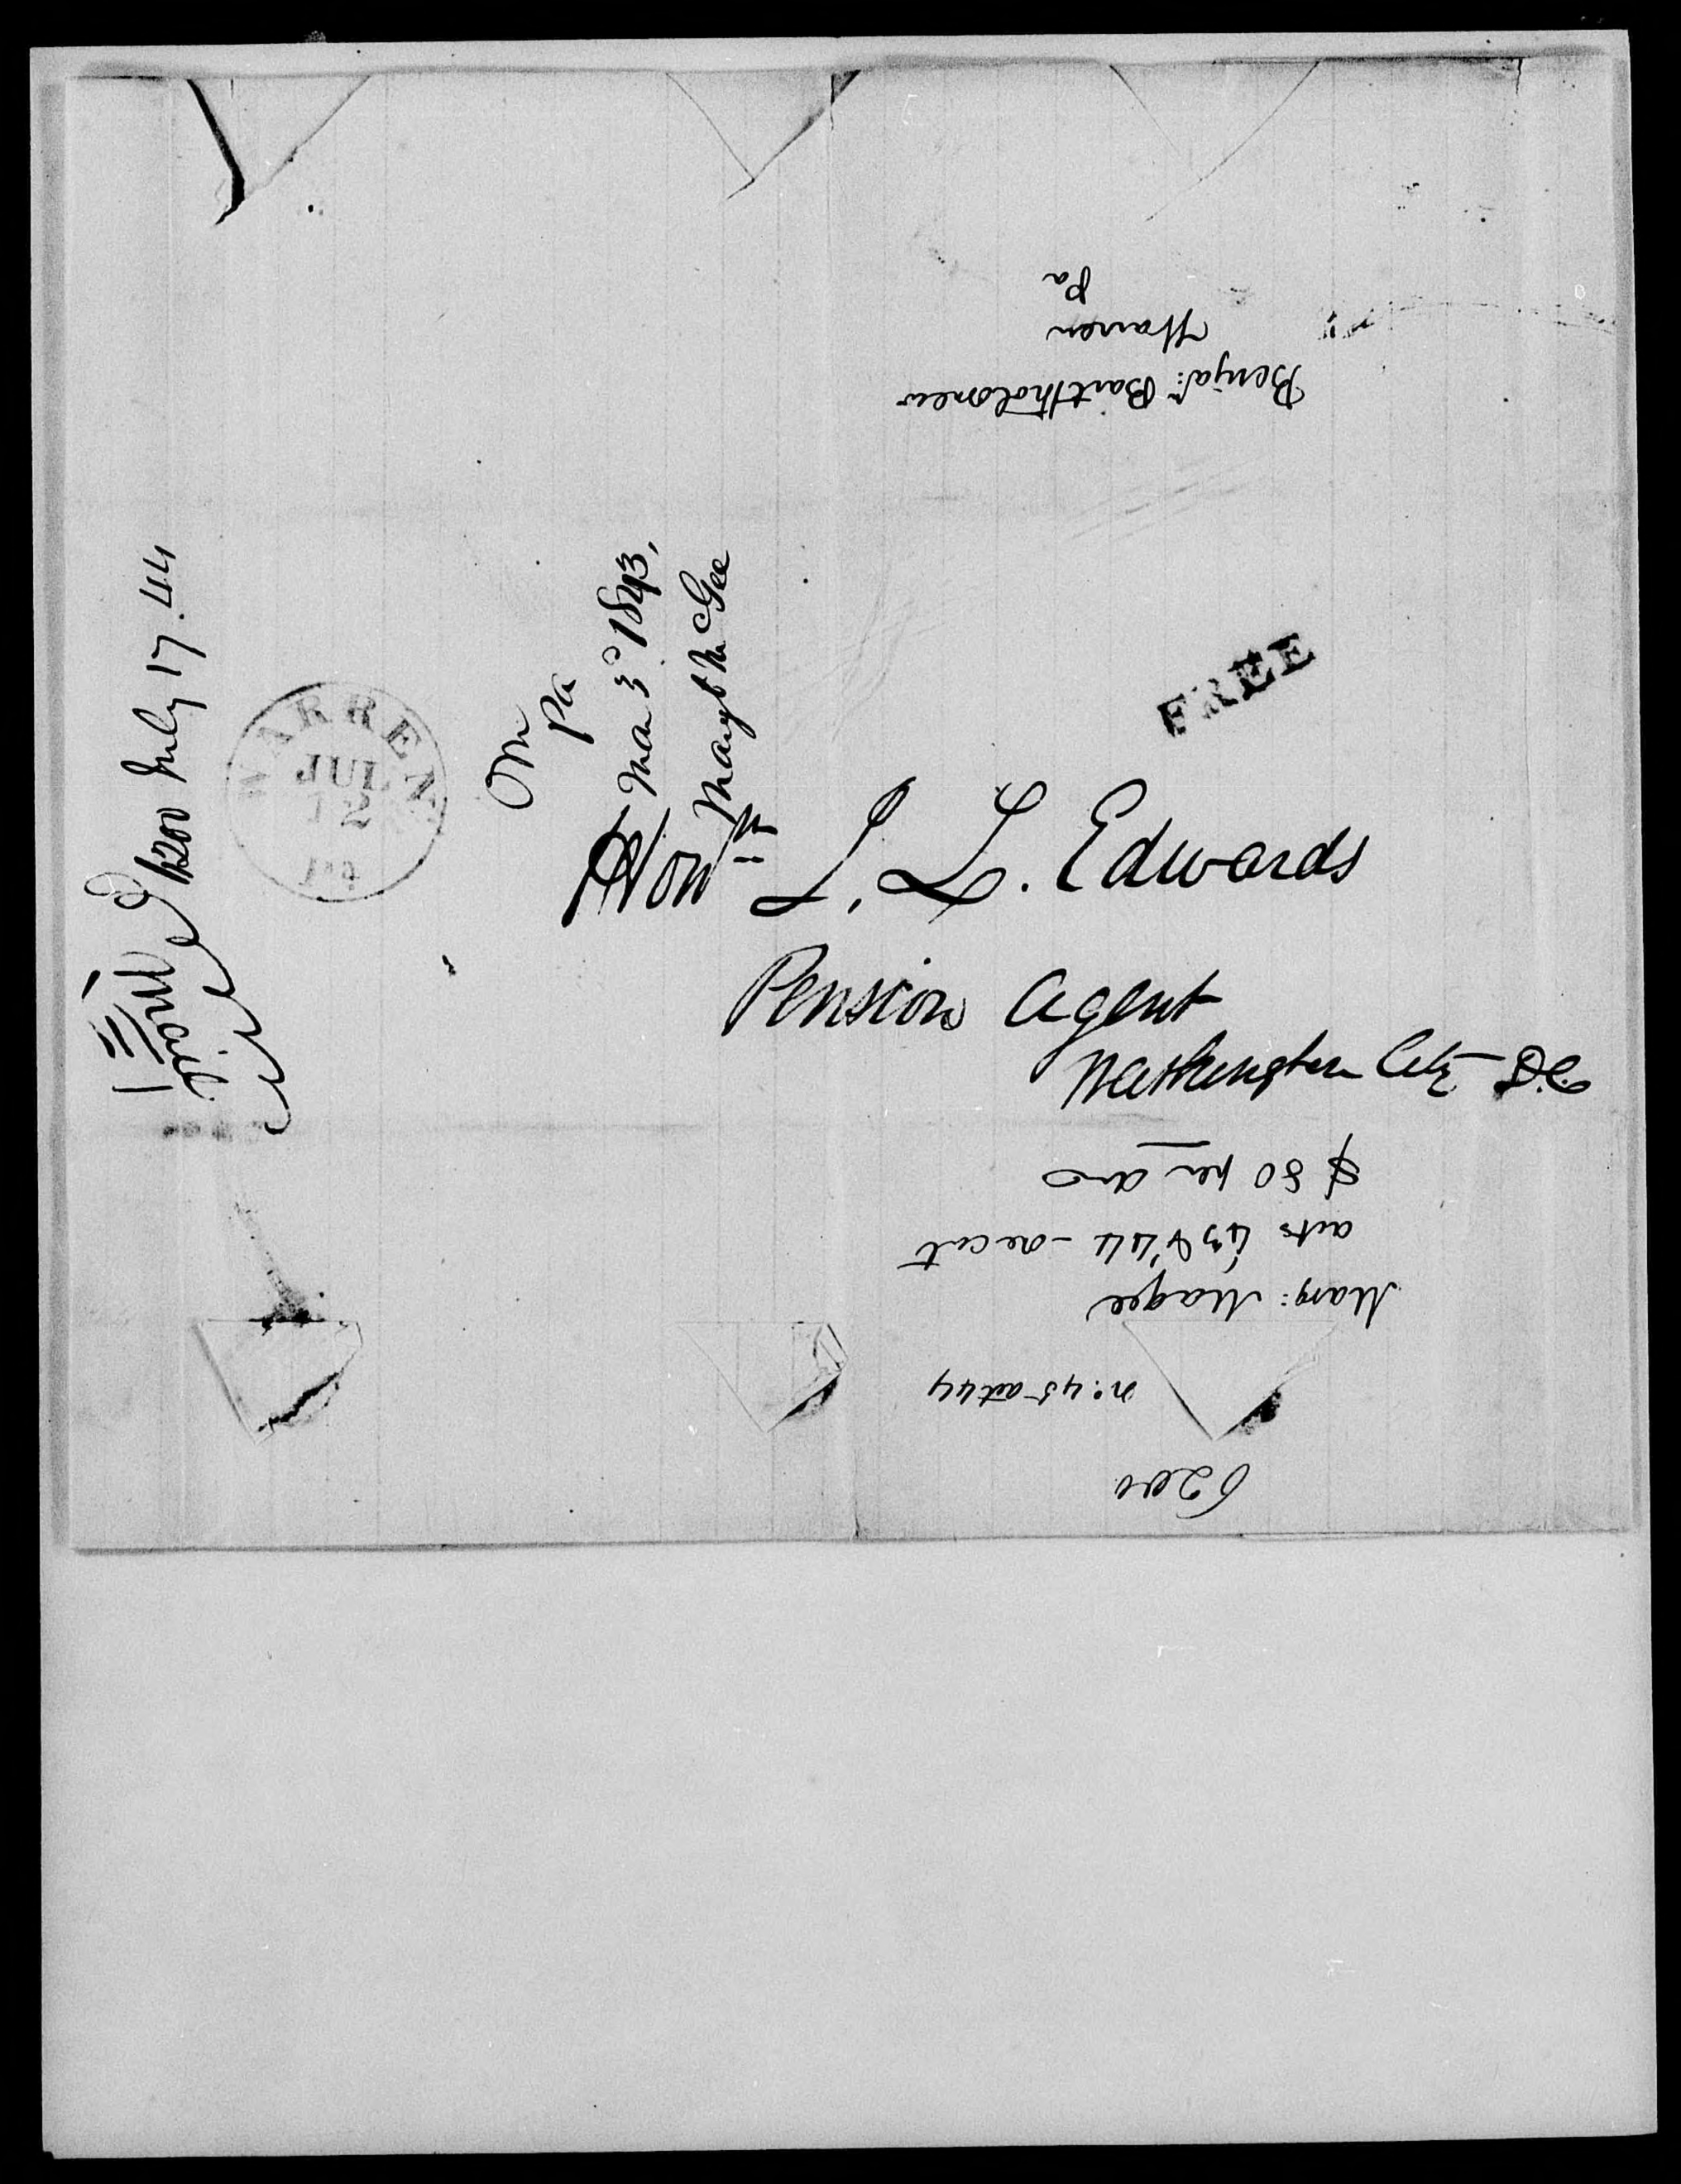(envelope)

(;mail stamp)

FREE
WARREN 
JULY
12
PA

Hon J. L Edwards
Pension Agent
Washington city D.C

(notes on envelope)
Mail
---- 
h200 July 17, 44

Om pa
Mayt McGee

Benjam Bartholmew(?)
Warren Pa

6200
No 45 act 44
Marg Magee (aka Mcgee)
act 43844 on act
$80.00 per ann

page: 47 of 77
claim: widow's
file: W 2954, for James Mc Gee, Delaware